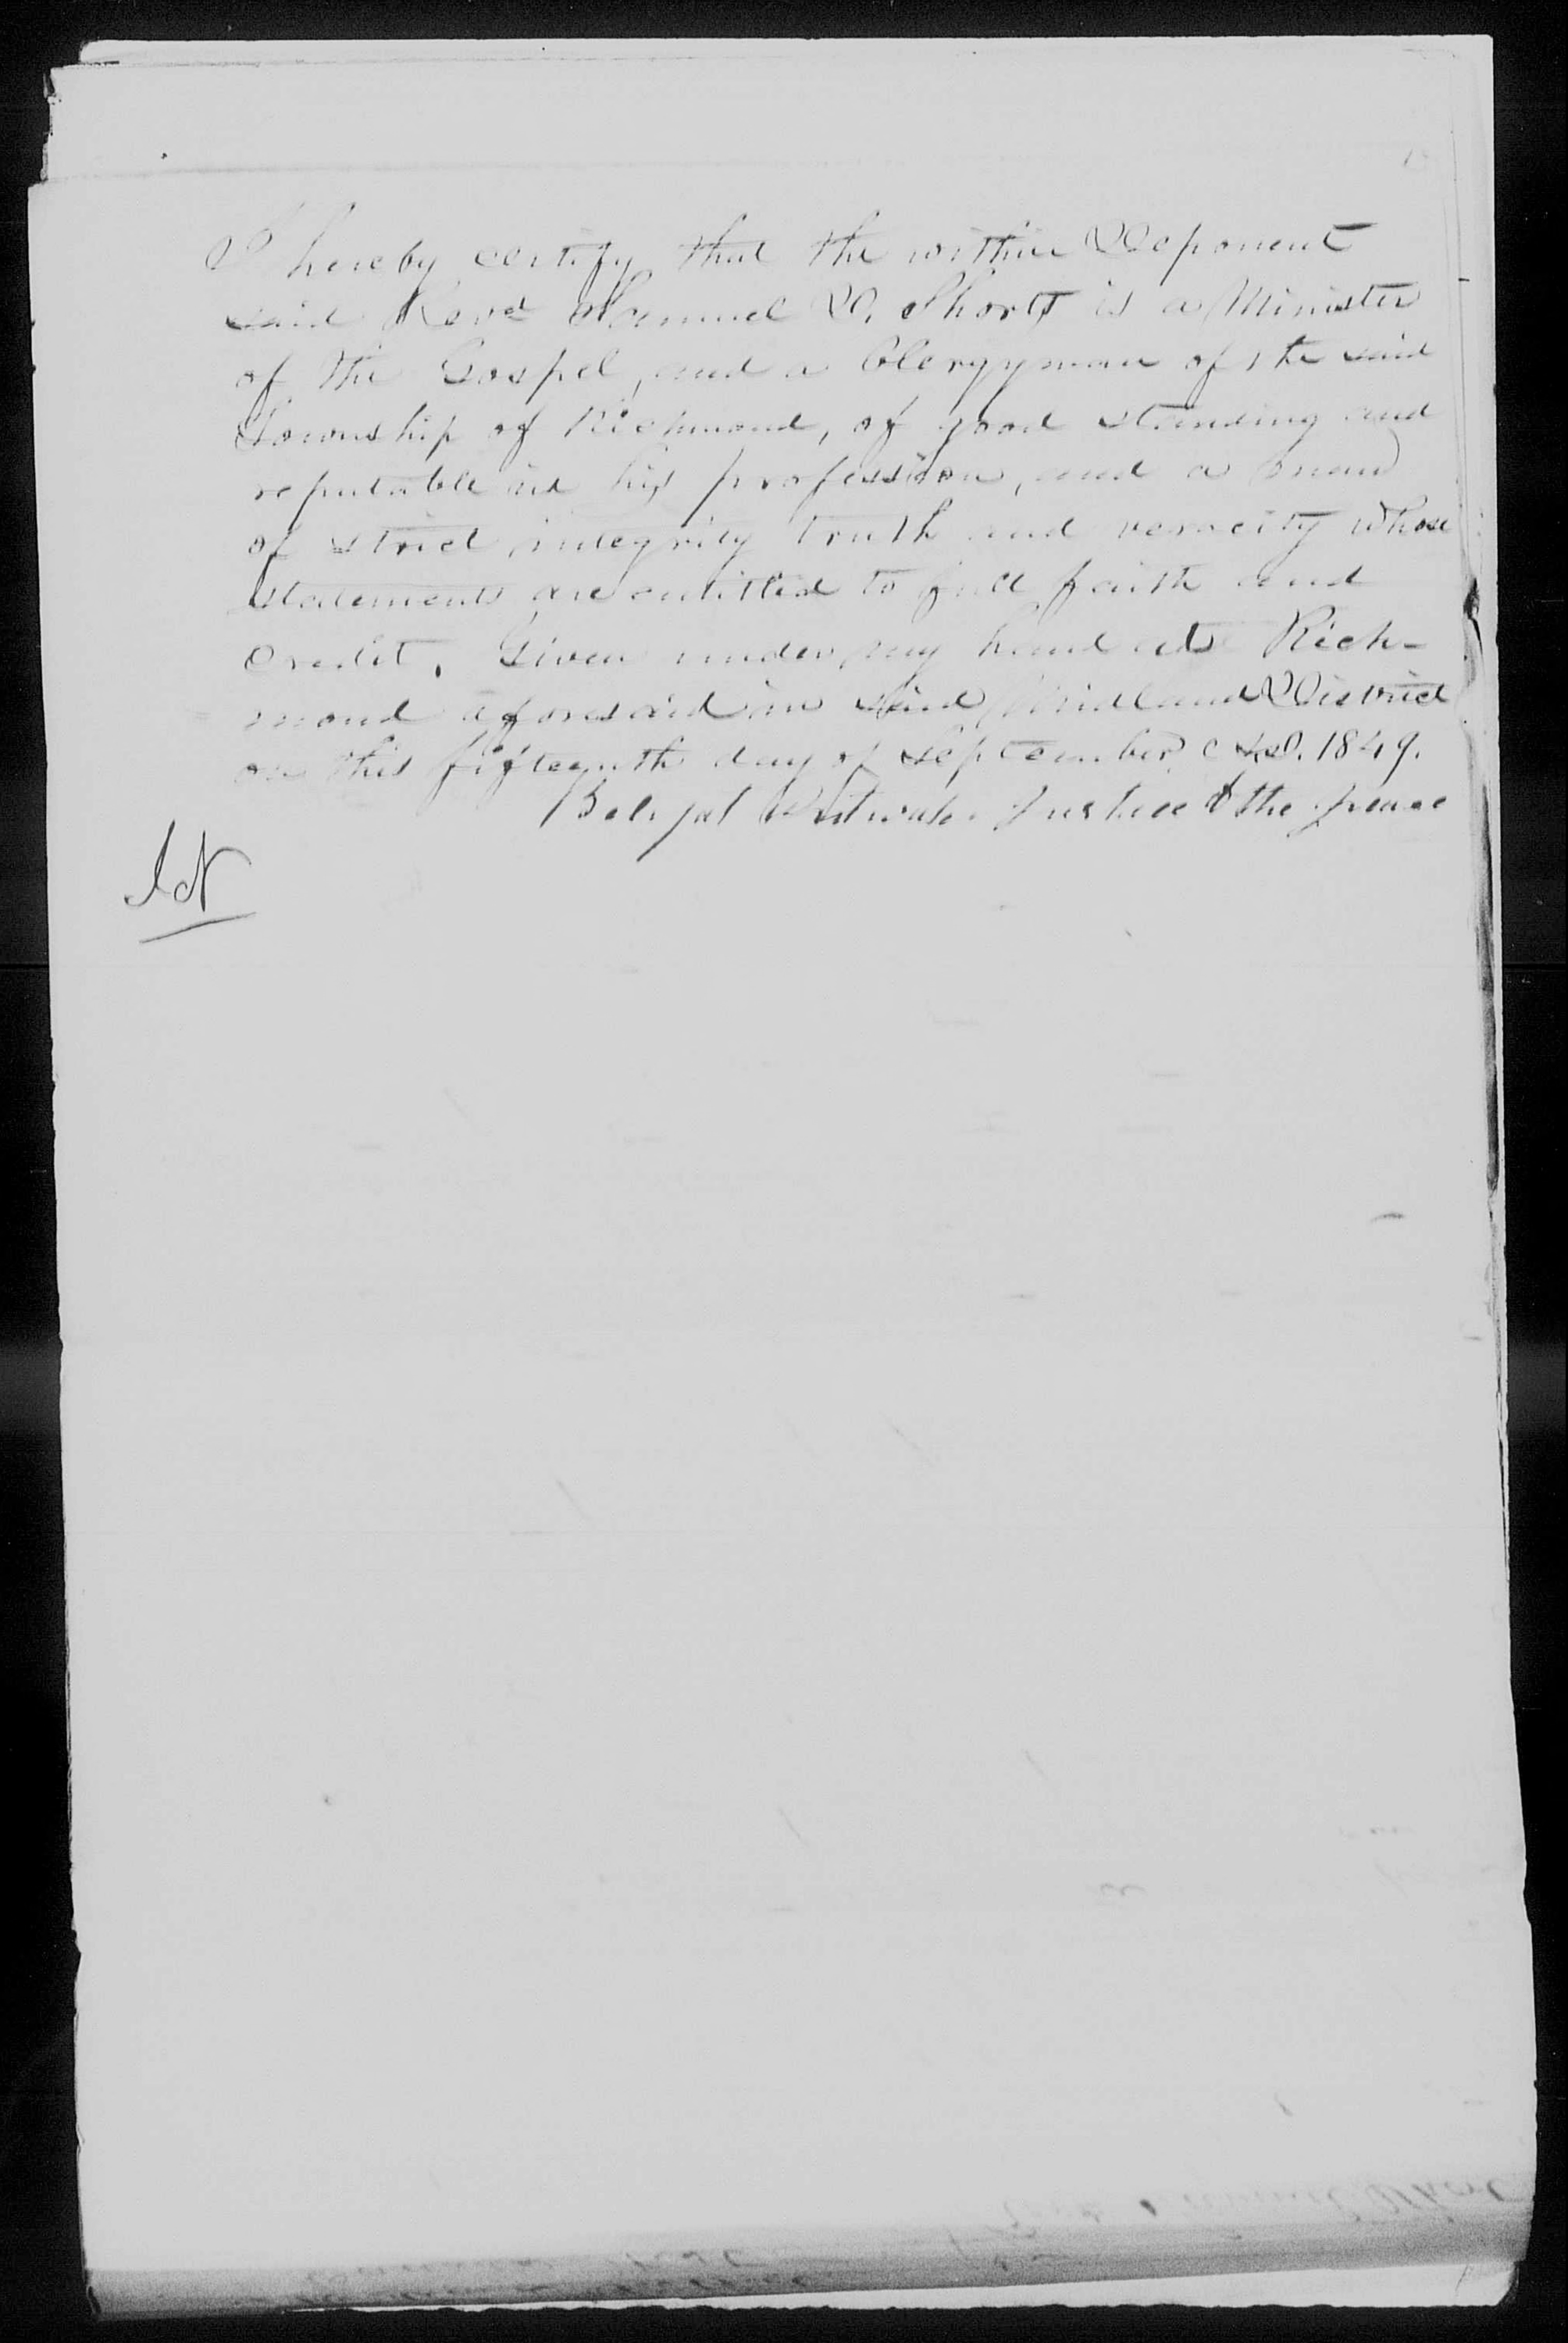I hereby certify that the within Deponent said Revd Samuel D. Short is a Minister of the Gospel, and a Clergyman of the said Township of Richmond, of good standing and reputable in his profession, and a man of strict integrity truth and veracity whose statements are entitled to full faith and credit. Given under my hand at Richmond aforesaid in said Midland District on this fifteenth day of September A.D. 1849.
Belyat Outwater Justice of the peace

[illegible]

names: Samuel D Short, Belyat Outwater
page: 38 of 106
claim: survivor's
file: S 23,116., Joshua Benedict, Conn.